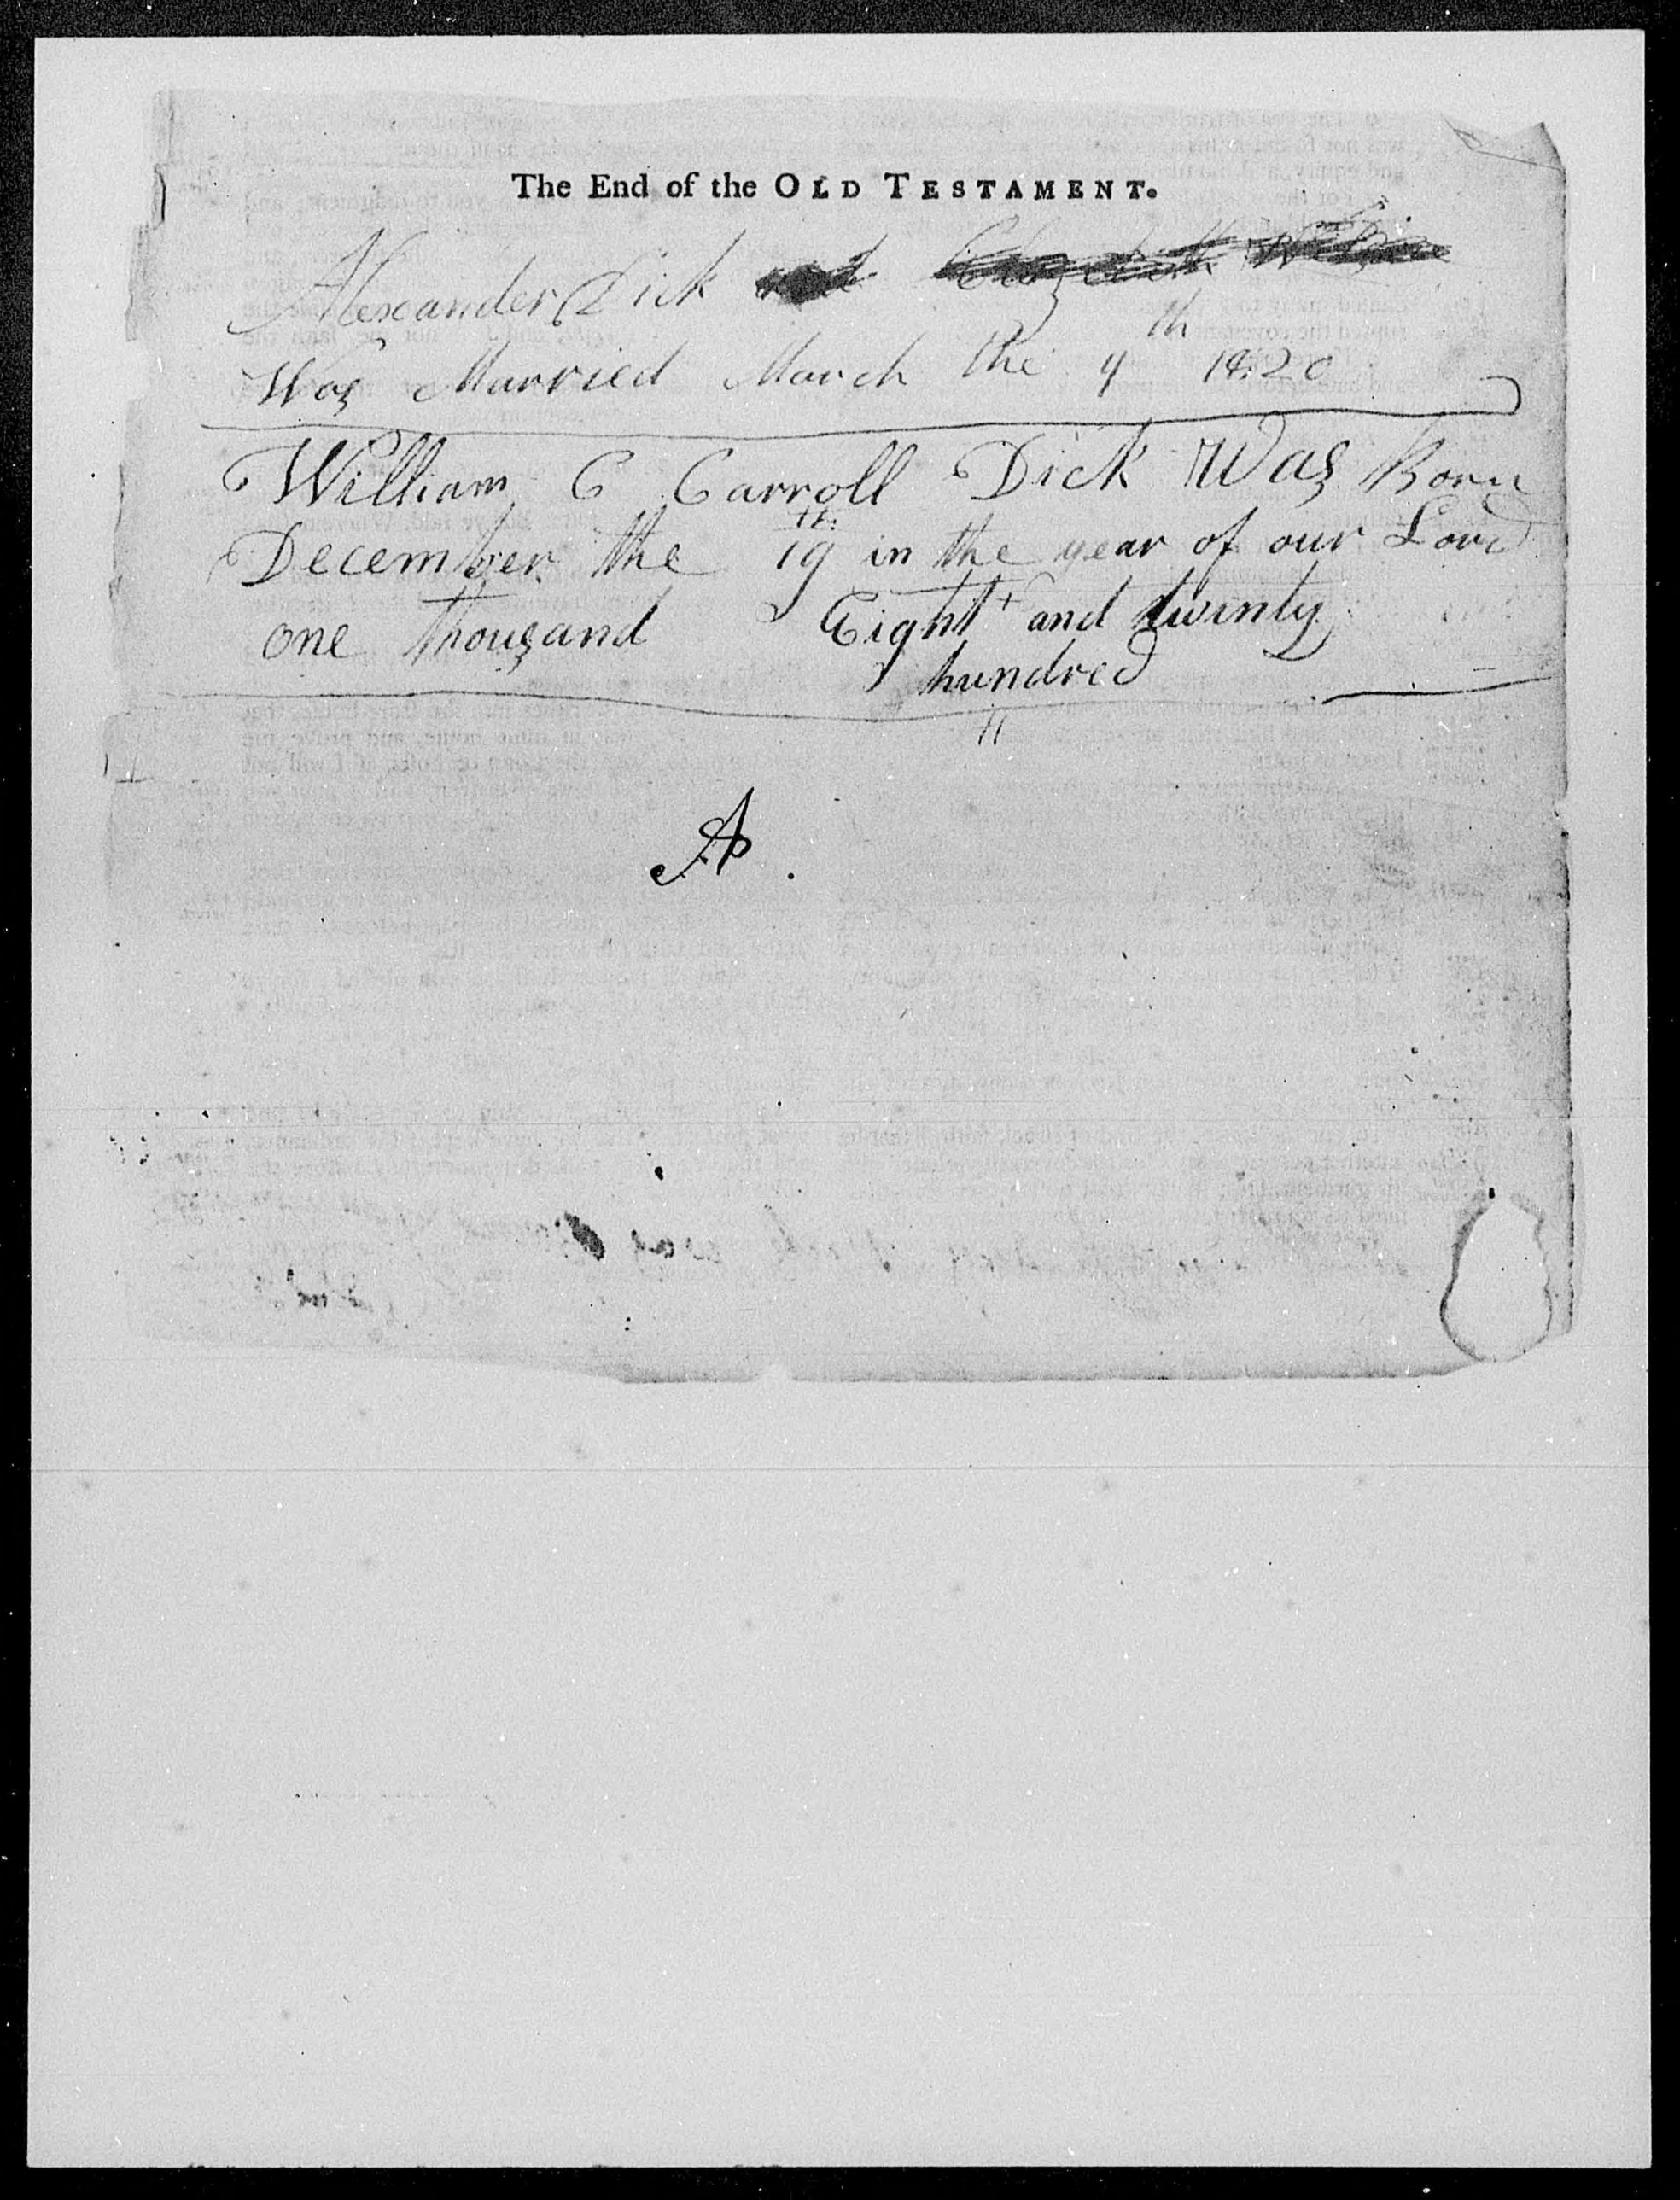The End of the OLD TESTAMENT. Alexander Dick [text marked thru] was Married March the 4 1820 
William C Carroll Dick was Born December the 19 in the year of our Lord One thousand Eight and twenty hundred A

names: Alexander Dick, William C Carroll Dick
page: 6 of 31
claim: widow's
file: W. 8668, John Dick, S C